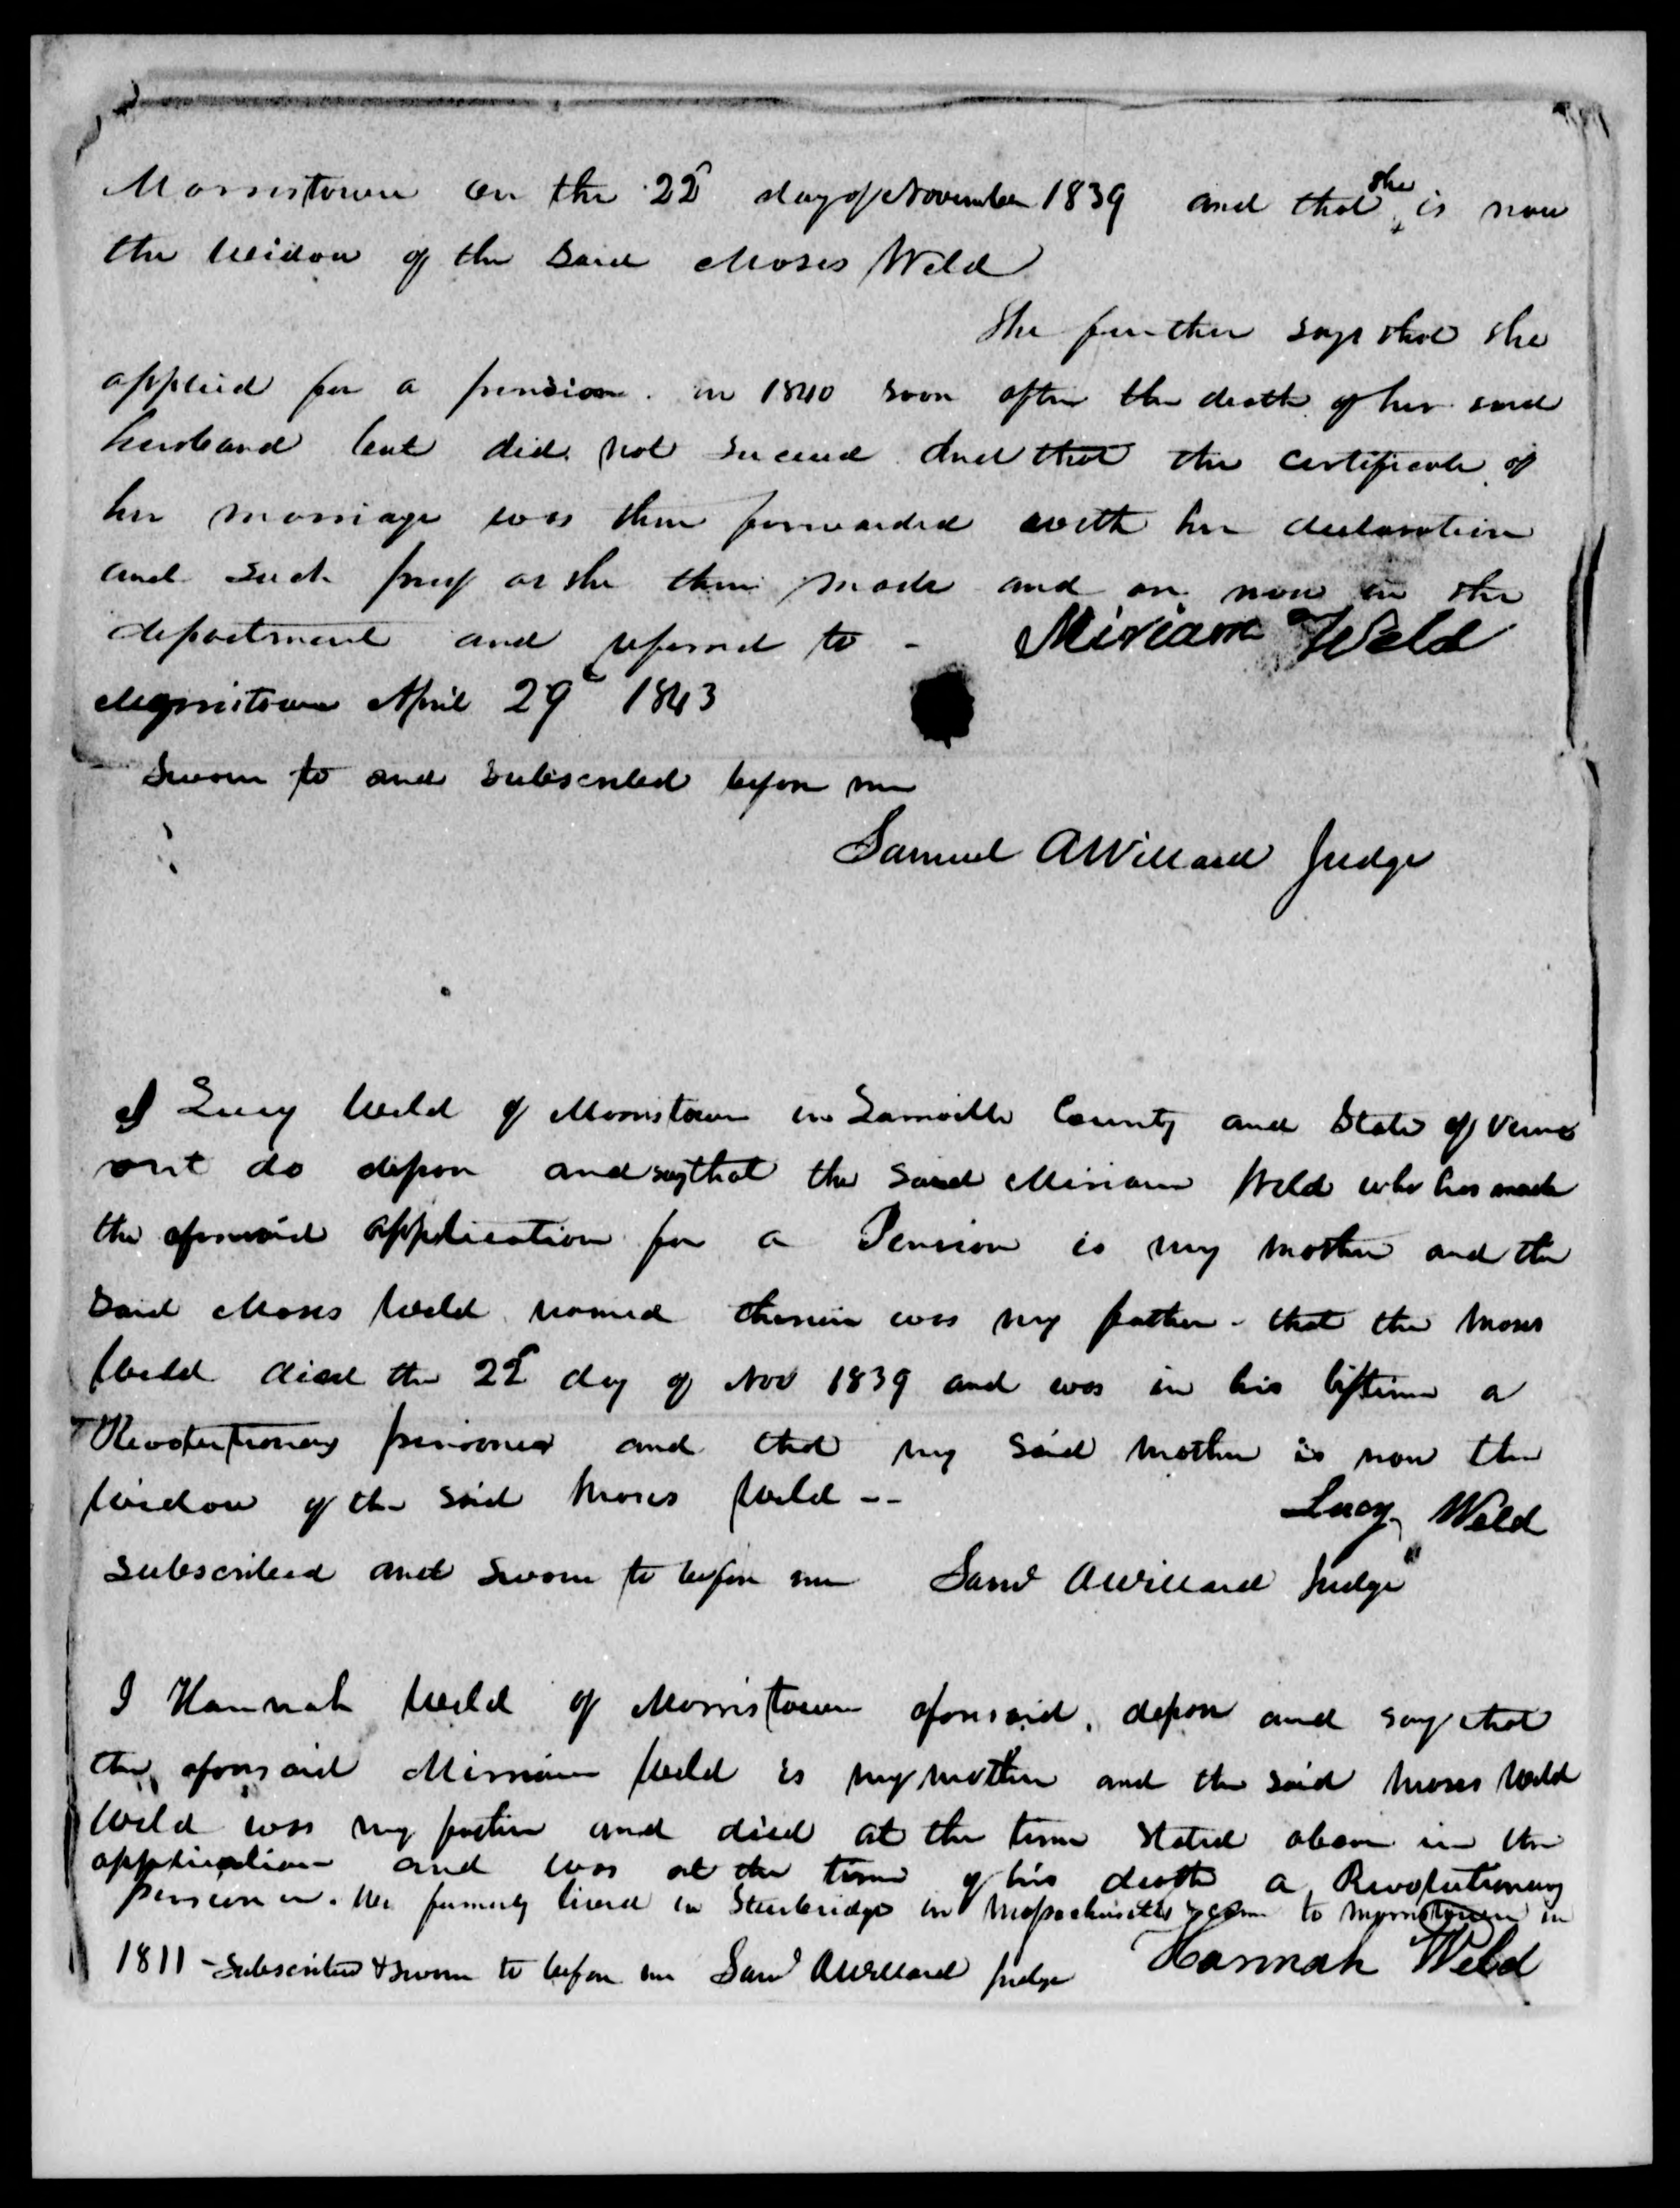Morristown on the 22 day of November 1839 and that he is now the widow of the said Moses Weld.  
She further says that the applied for a pension in 1840 soon after the death of her said
husband but did not succeed and that the certificate of her marriage was then forwarded with her declaration and such proof as she then made and on now in the department and referred to -  Miriam Weld
Deposition[?]  April 29th 1843

Sworn to and subscribed before me
Samuel A Willard Judge

I Lucy Weld of Morristown in Lamoille County and State of Vermont do depon and say that the said Miriam Weld who has made
the aforesaid application for a Pension is my mother and the said Moses Weld named therein was my father - that the Moses Weld died the 22 day of Nov 1839 and was in his lifetime a Revolutionary pensioner and that my said mother is now the
widow of the said Moses Weld -
Lucy Weld
Sworn to and subscribed before me 
Samuel A Willard Judge
I Hannah Weld of Morristown aforesaid, depon and say that the aforesaid Miriam Weld is my mother and the said Moses Weld was my father and died at the time stated above in the
application and was at the time of his death a Revolutionary pensioner. We formerly lived in Sturbridge in Massachusetts came to Morristown in 1811 - Subscribed & sworn to before me Saml A WIllard Judge
Hannah Weld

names: Lucy Weld, Saml A Willard, Miriam Weld, Samuel A Willard, Moses Weld, Hannah Weld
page: 41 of 87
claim: widow's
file: W. 25,966, Moses Weld, Mass.